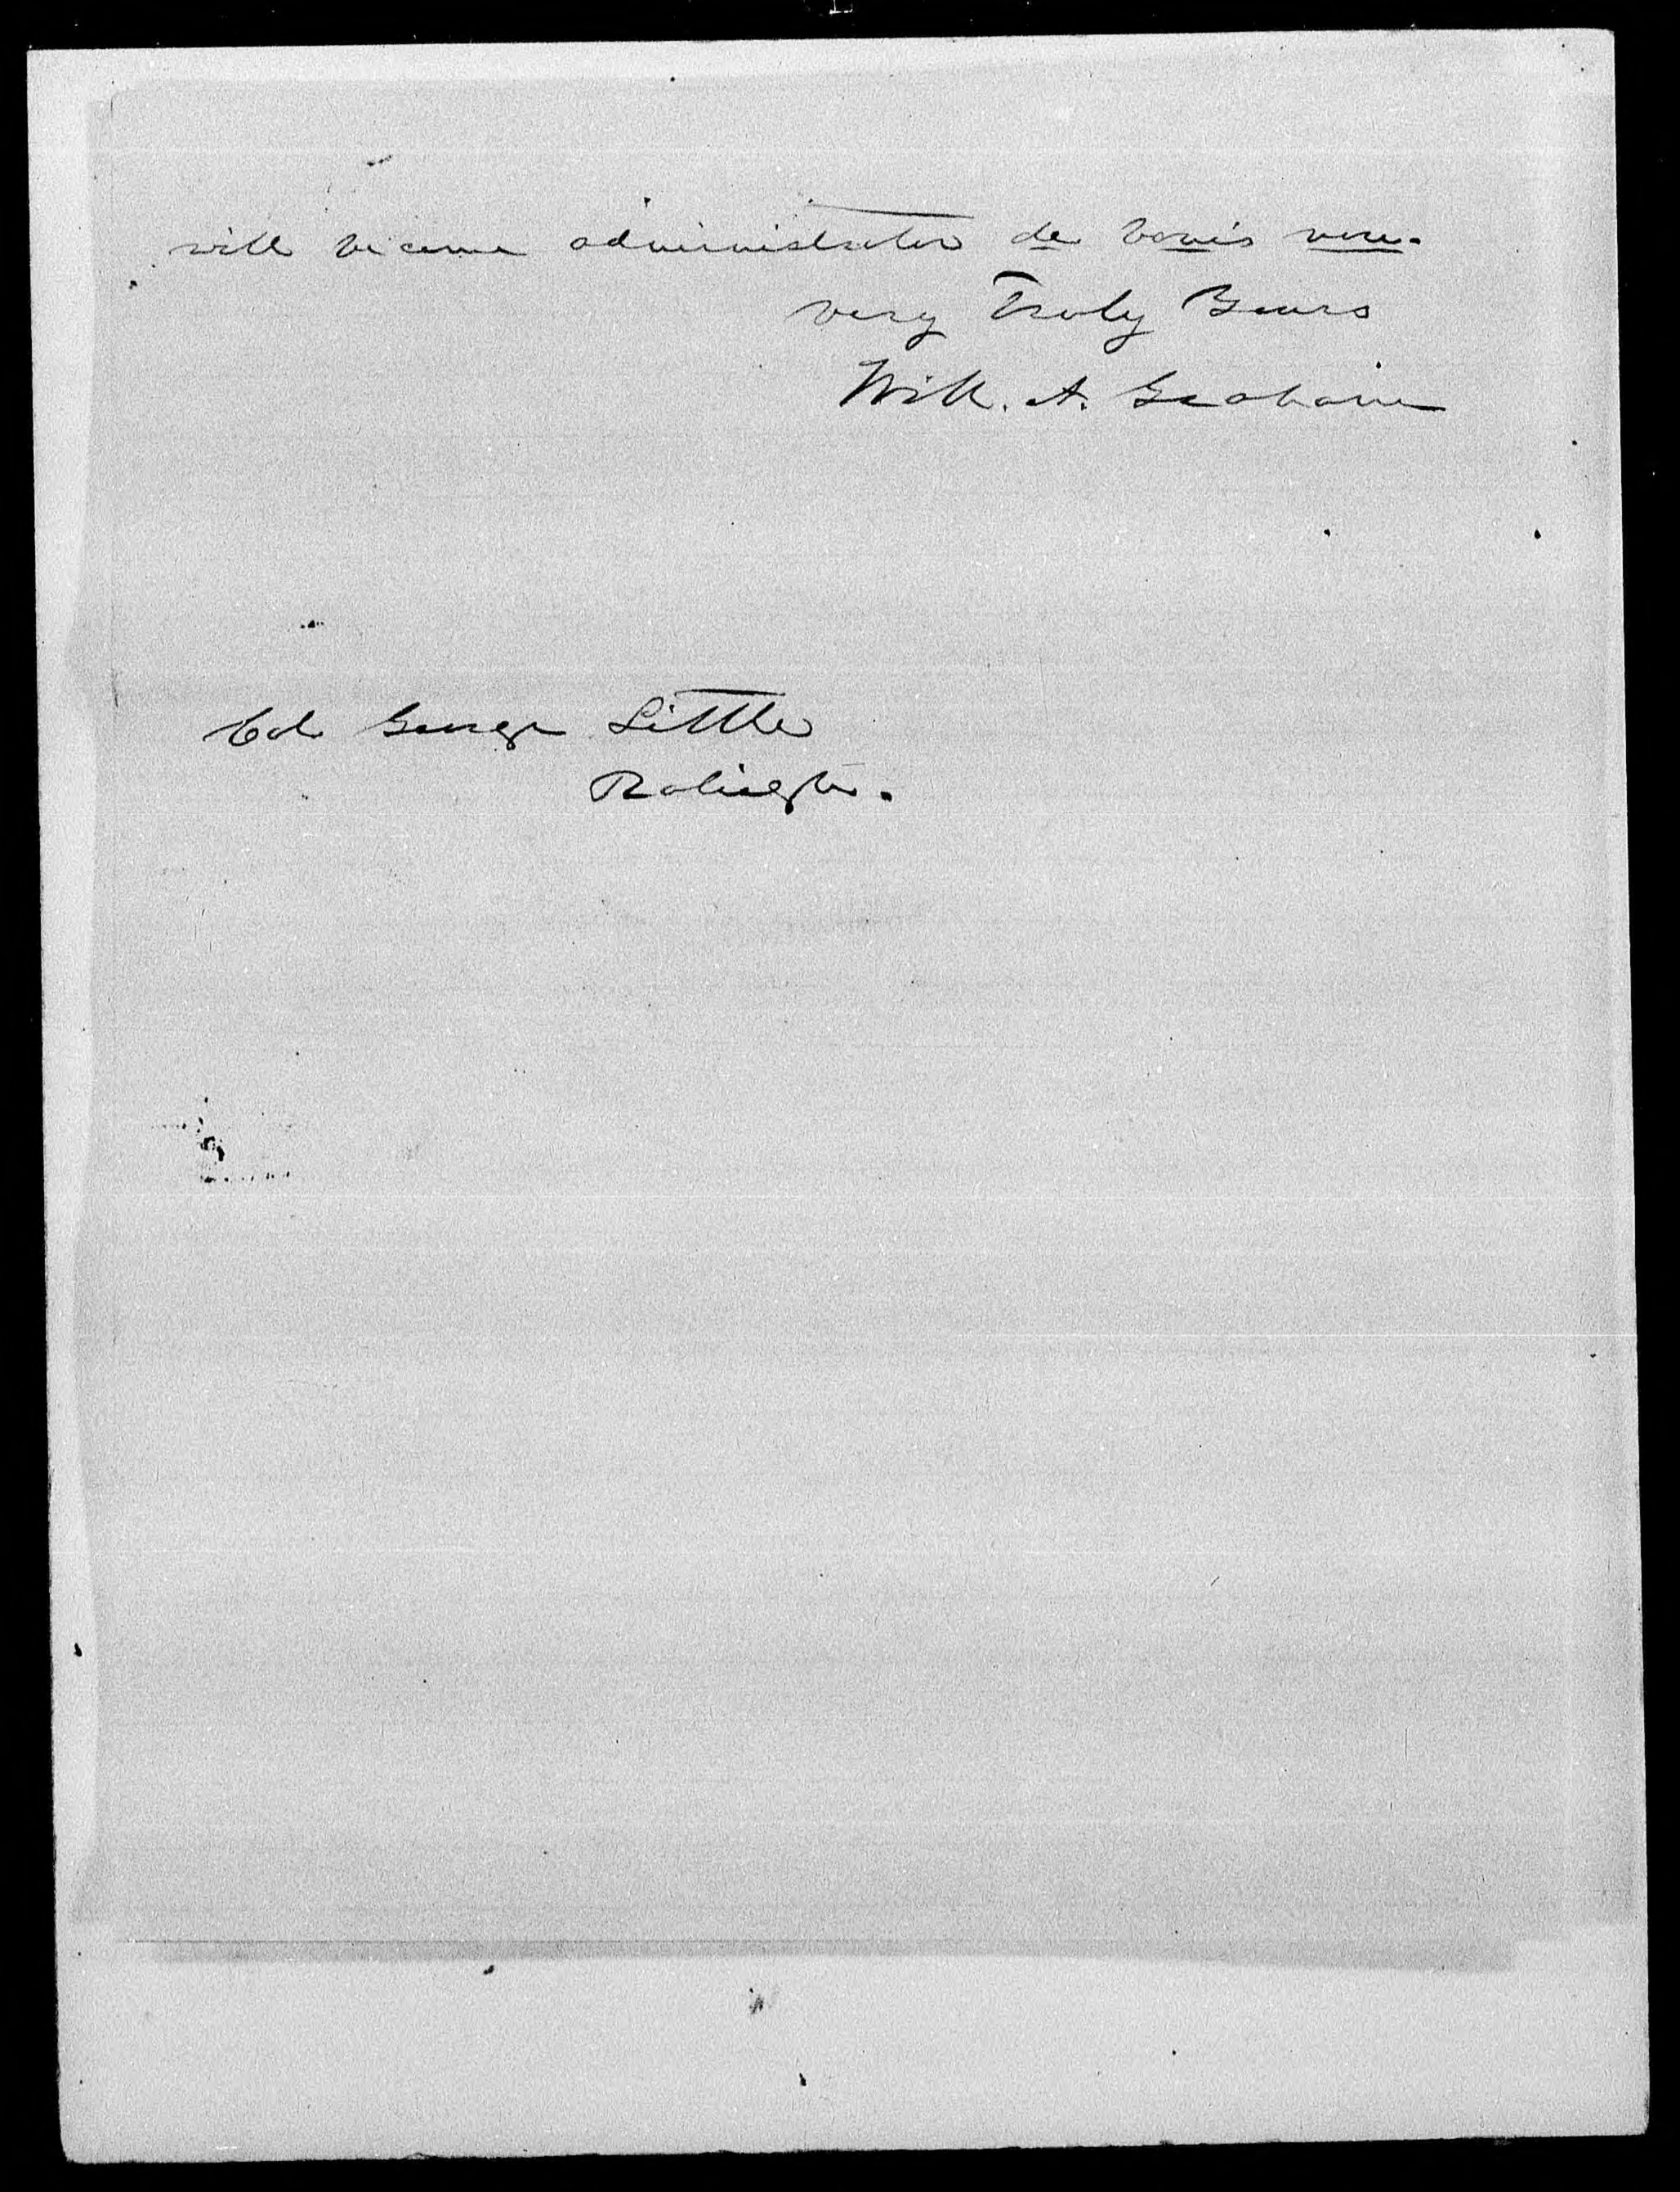will become administrator de vovis non.
Very truly yours
Will. A. Graham

Col. George Little
Raleigh.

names: George Little, Will A Graham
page: 53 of 55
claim: survivor's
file: S. 6,937, Joseph Graham, N.C.